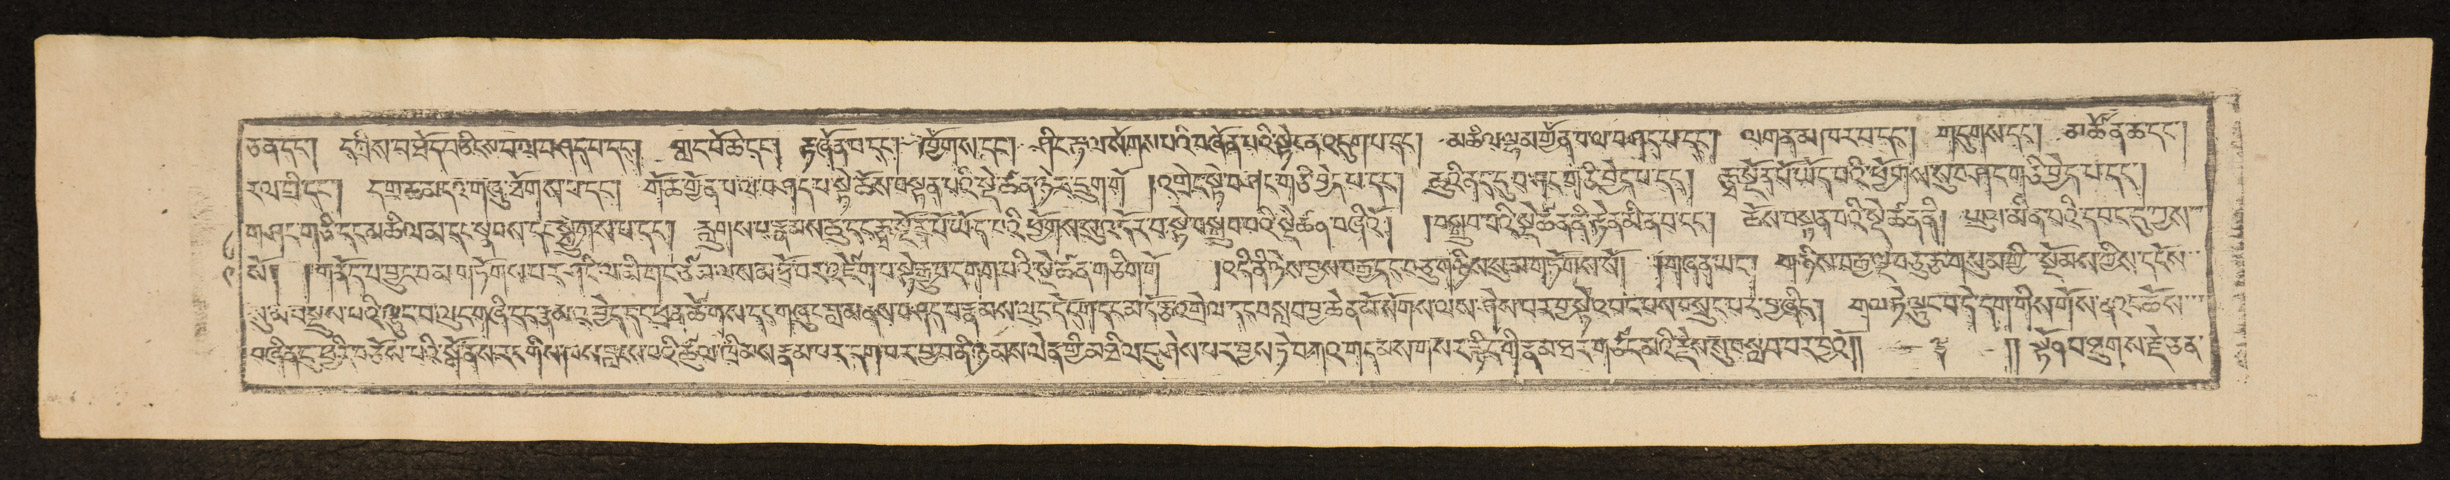ཅན་དང་། དཀྲིས་པ་ཐོད་བཅིངས་པ་ལ་བཤད་པ་དང་། གླང་པོ་ཆེ་དང་། རྟ་ཞོན་པ་དང་། ཁྱོགས་དང་། ཤིང་རྟ་ལ་སོགས་པའི་བཞོན་པའི་སྟེང་ན་འདུག་པ་དང་། མཆི་ལ་ལྷ་མགྱོན་བ་ལ་བཤད་པ་དང་། ལག་ན་མཁར་བ་དང་། གདུགས་དང་། མཚོན་ཆ་དང་།
རལ་གྲི་དང་། དགྲ་ཆ་མདའ་གཞུ་ཐོགས་པ་དང་། གོ་ཆ་གྱོན་པ་ལ་བཤད་པ་སྟེ་ཆོས་བསྟན་པའི་སྡེ་ཚན་ཉེར་དྲུག་གོ །འགྲེང་སྟེ་བཤང་གཅི་བྱེད་པ་དང་། ཆུའི་ནད་དུ་བཤང་གཅི་བྱེད་པ་དང་། རྩྭ་སྔོན་པོ་ཡོད་པའི་ཕྱོགས་སུ་བཤང་གཅི་བྱེད་པ་དང་།
གཤང་གཅི་དང་མཆིལ་མ་དང་སྣབས་དང་སྐྱུགས་པ་དང་། རླུགས་པ་རྣམས་ཆུ་དང་རྩྭ་སྔོན་པོ་ཡོད་པའི་ཕྱོགས་སུ་འདོར་བ་སྟེ་བསྒྲུབ་པའི་སྡེ་ཚན་བཞིའོ། །བསྒྲུབ་བའི་སྡེ་ཚན་ནི་རྟེན་མིན་པ་དང་། ཆོས་བསྟན་པའི་སྡེ་ཚན་ནི། ཡུལ་མིན་པའི་དབང་དུ་བྱས་
སོ། །གནོད་པ་བྱུང་བ་མ་གཏོགས་པར་ཤིང་ལ་མི་གང་ཙམ་ལས་མཐོ་བར་འཛེག་པ་སྟེ་རྒྱུ་བ་དགག་པའི་སྡེ་ཚན་གཅིག་གོ །འདི་ནི་ཉེས་བྱས་བརྒྱ་དང་བཅུ་གཉིས་སུ་མ་གཏོགས་སོ། །གཞན་ཡང་། གཉིས་བརྒྱ་ལྔ་བཅུ་རྩ་གསུམ་གྱི་སྡོམས་ཀྱིས་དངོས་
སུ་མ་བསྡུས་པའི་ལྷུང་བ་ལུང་གཞི་དང་རྣམ་འབྱེད་དང་ཕྲན་ཚེགས་དང་གཞུང་བླ་མ་ནས་བཤད་པ་རྣམས་ལུང་དེ་དག་དང་མདོ་རྩ་འགྲེལ་དང་བསླབ་བྱ་ཆེན་མོ་སོགས་ལས་ཤེས་བར་བྱ་སྟེ་འབད་པས་བསྲུང་བར་བྱ་ཞིང་། གལ་ཏེ་ལྟུང་བ་དེ་དག་གིས་གོས་ནའང་ཆོས་
བཞིན་དུ་ཕྱིར་བཅོས་པའི་སྒོ་ནས་རང་གིས་ཁས་བླངས་པའི་ཚུལ་ཁྲིམས་རྣམ་པར་དག་པར་བྱ་བ་ནི་ཉམས་ལེན་གྱི་མཐིལ་དུ་ཤེས་པར་བྱས་ཏེ་བཀའ་གདམས་གསར་རྙིང་གི་རྣམ་ཐར་གཙང་མའི་རྗེས་སུ་བསླབ་པར་བྱའོ།། ༈ །།སྟོན་པ་ཐུགས་རྗེ་ཅན་